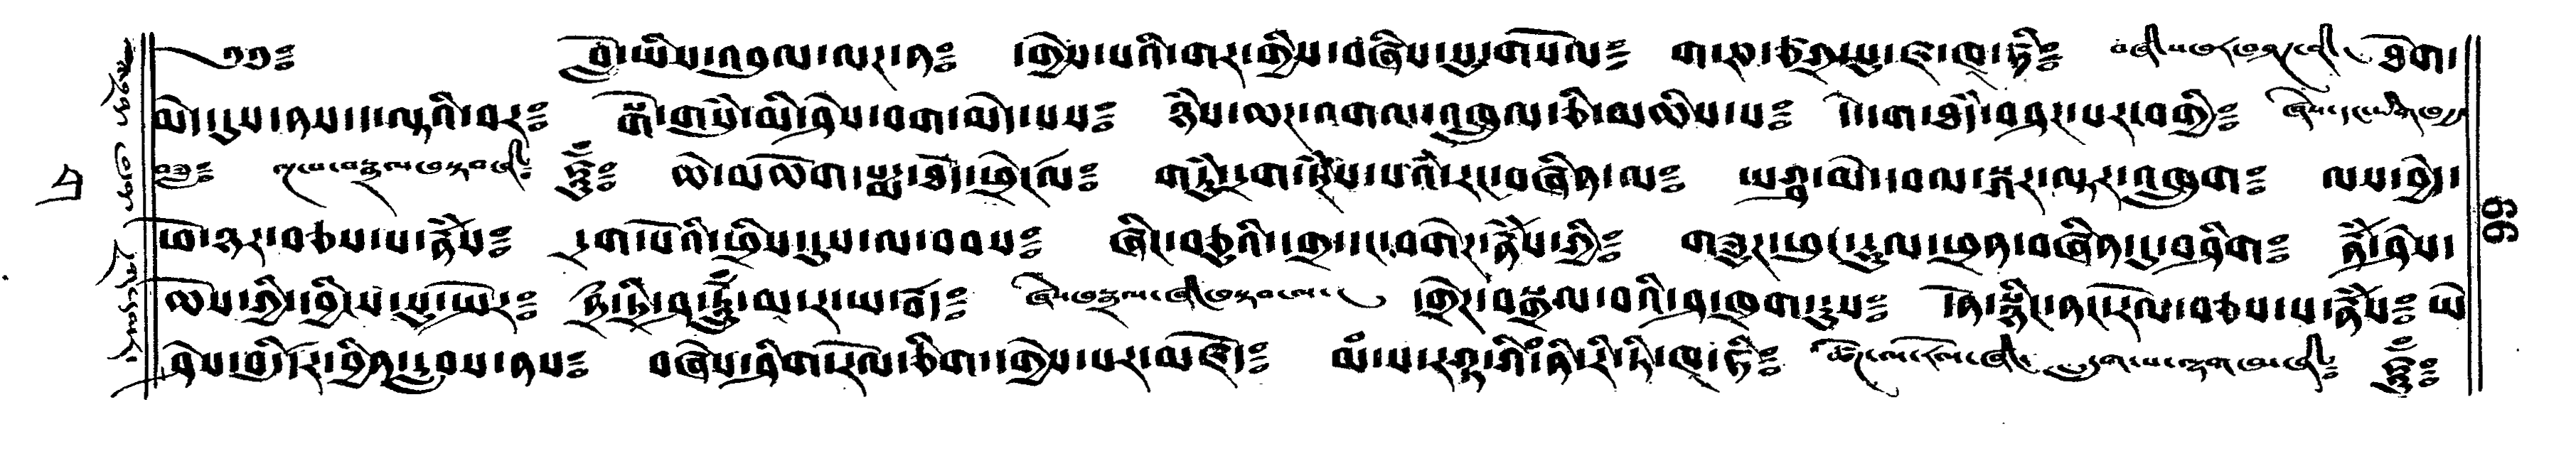བློ་ཡིས་འབུལ་ལགས་ན༔ དགྱེས་པའི་གར་གྱིས་བཞེས་སུ་གསོལ༔ ག་ཎ་ཙཀྲ་པུ་ཛ་ཁཱ་ཧི༔ བཞི་པ་བར་བཤགས་ནི། ཐོག་
མེད་དུས་ནས་ད་ལྟའི་བར༔ སྒོ་གསུམ་མི་ཤེས་བག་མེད་པས༔ ཉམས་ཆག་འགལ་འཁྲུལ་ཅི་མཆིས་པ༔ དེ་དག་ཐམས་ཅད་བཤགས་པར་བགྱི༔ ཞེས་དང་ཡིག་བརྒྱ་
བཟླ། ལྔ་པ་བསྒྲལ་བསྟབ་ནི༔ ཧཱུྃ༔ ཆེ་མཆོག་པདྨ་ཐོད་ཕྲེང་རྩལ༔ གཏུམ་དྲག་རྔམ་པའི་རང་བཞིན་ལ༔ ཡཀྴ་མེ་དབལ་སྐར་ལྟར་འཁྲུག༔ ལས་བྱེད་
ཕོ་ཉ་བཅས་པ་རྣམས༔ དྲག་པོའི་ཕྲིན་ལས་དུས་ལ་བབས༔ ཞིང་བཅུའི་དགྲ་དང་བགེགས་རྣམས་ཀྱི༔ གཟུགས་ཕུང་རྡུལ་ཕྲན་བཞིན་དུ་ཤིགས༔ རྣམ་ཤེས་
ཆོས་ཀྱི་དབྱིངས་སུ་སྤོར༔ ནྲྀ་ཏྲི་ཤ་ཏྲུྃ་མཱ་ར་ཡ་རྦད༔ ཞེས་བསྒྲལ་ཅིང་བསྟབ་ལ། དགྲ་བགེགས་བསྒྲལ་བའི་ཤ་ཁྲག་རུས༔ དོན་སྙིང་ནང་རོལ་བཅས་པ་རྣམས༔ ཡེ་
ཤེས་བདུར་རྩིར་བྱིན་རླབས་ནས༔བཞེས་ཤིག་རོལ་ཅིག་དགྱེས་པར་མཛོད༔ མཾ་ས་རཀྟ་ཀིཾ་ནི་རི་ཏི་ཁ་ཧི༔ ཚོགས་ལ་རོལ་ཞིང། དྲུག་པ་ལྷག་མ་ནི། ཧཱུྃ༔